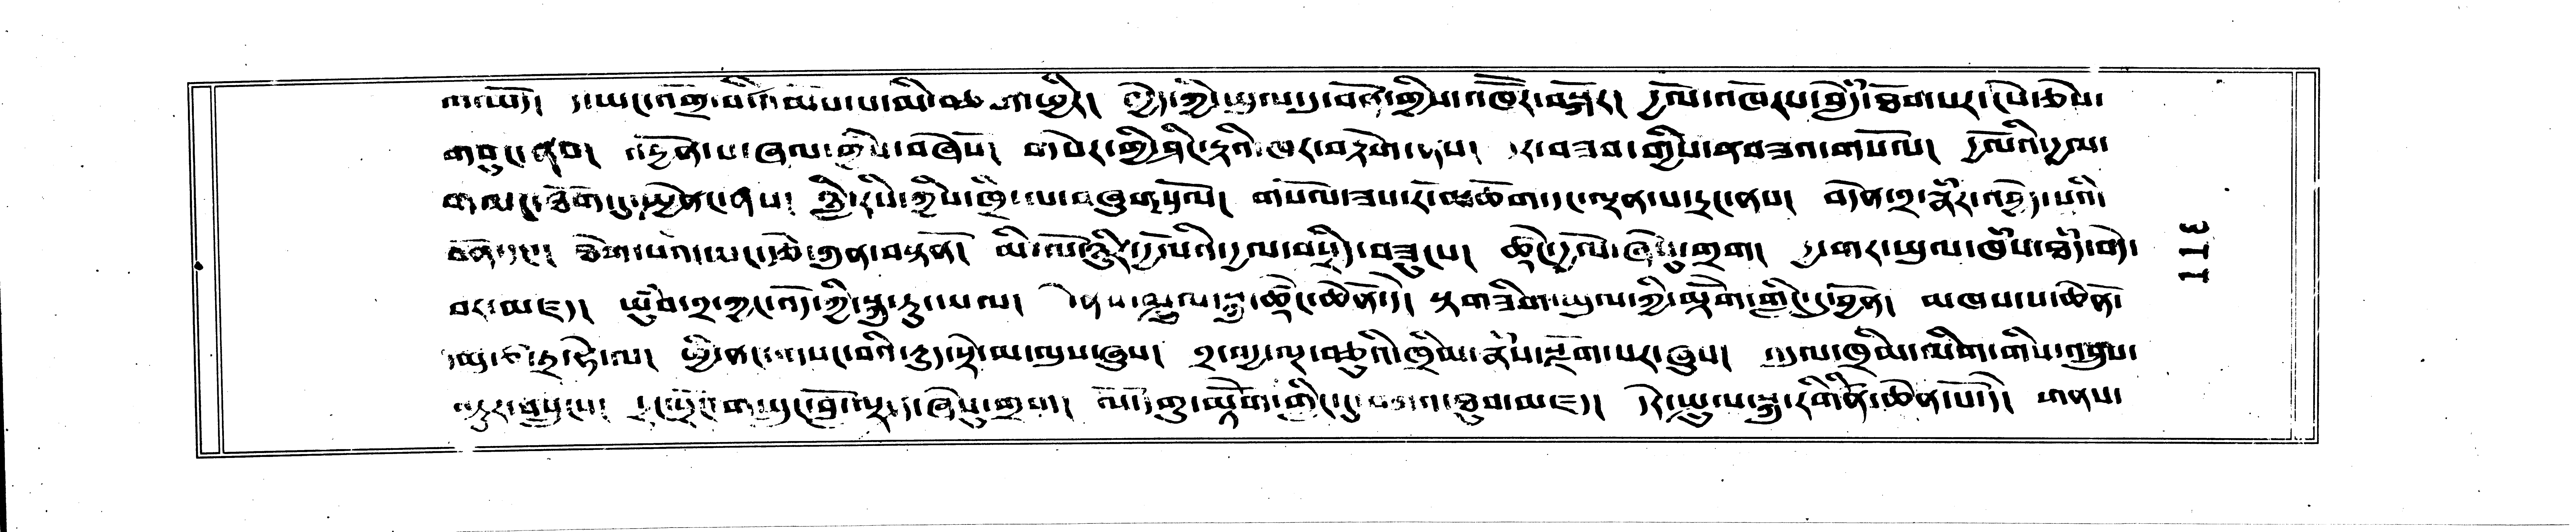ལ་ཡོད། ད་ཡང་འགྲོ་བའི་ལས་ལ་མི་བཅག་ཕྱིར། ཁྱེད་ཀྱི་ཡུལ་དུ་བོན་གྱི་འཁོར་ལོ་བསྐོར། རྒྱལ་པོ་འཁོར་བཅས་བླ་མེད་ཐོབ་པར་ངེས། ཅེས་
གསུངས་ནས། འབྱོན་པ་ཞལ་གྱིས་བཞེས་སོ། །གསེར་གྱི་ཤིང་རྟའི་ཁར་བརྟེགས་ནས། དར་ཟབ་ཀྱི་ན་བཟའ་གསོལ། རྒྱལ་པོའི་རྒྱལ་
ས་ཡང་ཐོག་ཏུ་སྤྱན་དྲངས་ནས། ཉི་ཟླ་རིས་ཀྱི་ཁྲི་ལ་བཞུགས་སུ་གསོལ། གསོལ་ཟས་རོ་མཆོག་དང་ལྡན་པ་དྲངས་ནས། བདེན་གཉིས་རྣམ་པར་འབྱེད་པའི་
བོན་དང་། ཐེག་པའི་ཡང་རྩེ་ཀུན་བསྟན་ནོ། །མི་ལོ་ཉི་ཤུར་རྒྱལ་པོའི་རྒྱལ་སྲིད་བཟུང་། ཚེ་དབང་རྒྱལ་པོ་ཞེས་སུ་གྲགས། རྒྱ་གར་ཡུལ་ཁམས་ཐམས་ཅད་བདེ་
བར་མཛད། ཡབ་ཡུམ་གཉིས་ཀྱང་འོད་ཀྱི་སྐུ་རུ་ཡལ། དེ་ནས་སྤྲུལ་སྐུ་ཚེ་དབང་ཆེན་པོ་སྟེ། སྟག་གཟིག་ཡུལ་གྱི་མེ་ཏོག་གླིང་དུ་བྱོན། མཁས་པ་ཆེན་པོ་
དམུ་ཙ་ཏྲ་ཧེ་ལ། ཕྱི་ནང་གསང་བའི་རྒྱུད་སྡེ་མ་ལུས་ཞུས། ཉིས་བརྒྱ་ལྔ་བཅུས་ཁྲིམས་རྣམས་རྫོགས་པར་ཞུས། འདུལ་ཁྲིམས་མིག་གི་འབྲས་
བུ་ལྟ་བུར་བསྲུངས། དྲང་སྲོང་གཡུང་དྲུང་བློ་ལྡན་ཞེས་སུ་གྲགས། ལོ་དགུ་མེ་ཏོག་གླིང་དུ་དཀའ་ཐུབ་མཛད། དེར་སྤྲུལ་སྐུ་རིག་འཛིན་ཆེན་པ་དེ། གནས་